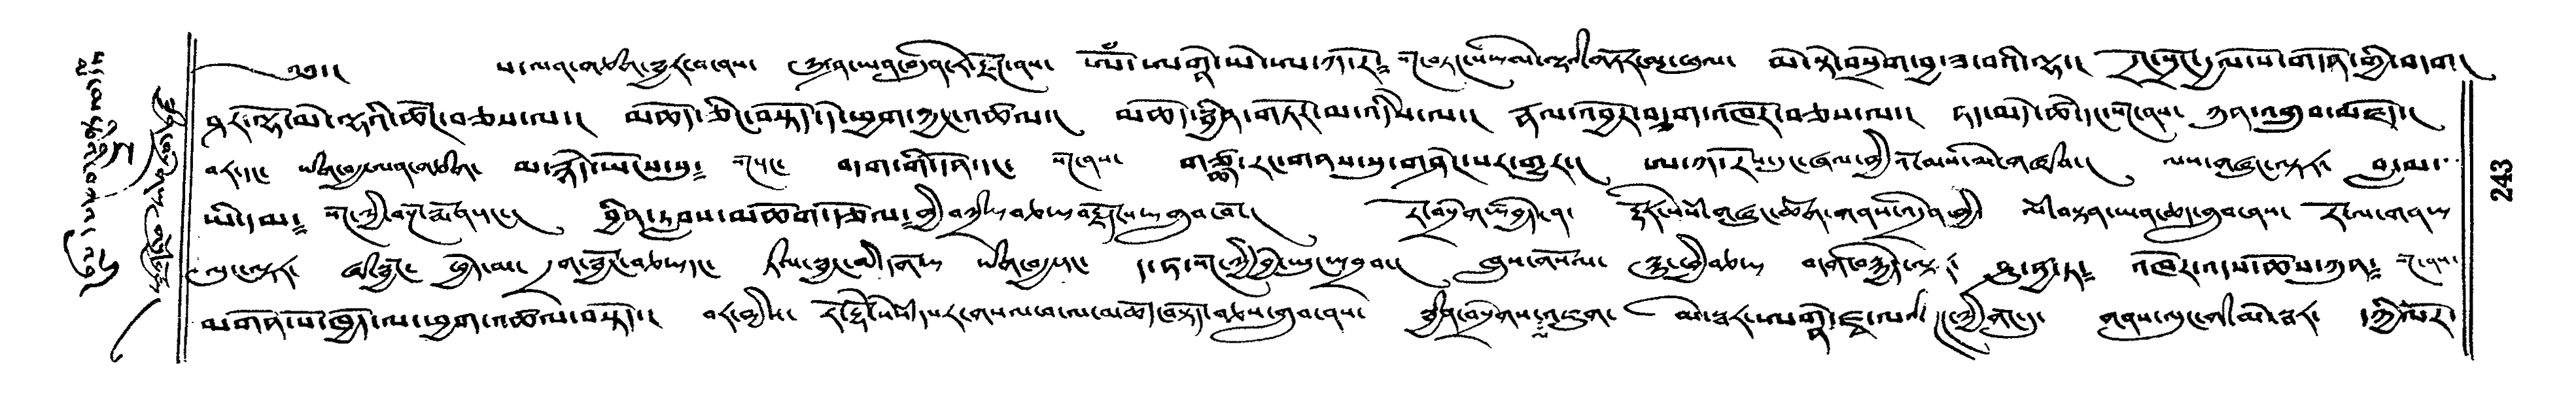པ་ལ༴ ལན་གཅིག་སྦྱར་བ། ནས། ཀུ་ཤ་ཡན་བདུན་རེ་རྫོགས་ནས། ཨོཾ་ཨགྣེ་ཡེ་ཨ་ཀ་རོ༴ སོགས་བཏགས་པས་མེ་ལྷའི་གཏོར་མ་ཕུལ། མེ་སྟེ་བསྲེག་བྱ་ཟ་བའི་ལྷ། །དྲང་སྲོང་རྒྱལ་པོ་གདོན་གྱི་བདག །
ཤར་ལྷོ་མེ་ལྷའི་ཚོགས་བཅས་ལ། །མཆོད་ཅིང་བསྟོད་དེ་ཕྱག་ཀྱང་འཚལ། །མཆོད་སྦྱིན་གཏོར་མ་འདི་བཞེས་ལ། །རྣལ་འབྱོར་བདག་ཅག་འཁོར་བཅས་ལ། །ནད་མེད་ཚེ༴ སོགས་ནས། ཀུན་འགྲུབ་མཛོད། 
བར་དང་། ཡིག་བརྒྱ་ལན་གཅིག མ་རྙེད་ཡོངས་སུ༴ སོགས་དང་། བདག་གི་དོན་དང༴ སོགས་ནས། གཙྪ། རང་གནས་སུ་གཤེགས་པར་གྱུར། ཨ་ཀ་རོས་དུང་ཞལ་གྱི་འོ་མས་མེ་གཞིལ། ལས་གཞུང་ལྟར། བླ་མ་
ཡི་དམ༴ སོགས་ཀྱིས་བསྔོ་སྨོན་དང་། བྱིན་རླབས་མཆོག་སྩོལ་༴ སོགས་བཀྲ་ཤིས་བཅས་བརྗོད་པས་གྲུབ་བོ། རོ་སྲེག་བྱེད་ན། རྡོར་སེམས་གཞུང་ཆོག་གནས་འདྲེན་གྱི་ལམ་བསྟན་ཡན་གྲུབ་ནས། རོ་ལ་གནས་
ལུང་ལྟར། ཞི་སྦྱོང་། ཕྱེད་མ། དྲག་སྦྱོང་བཅས་དང་། ཏིལ་སྦྱོང་མི་དགོས། ཡིག་བརྒྱ་དང་། ད་ཧ༴ སོགས་ཀྱིས་བྱེ་ཡུངས་བྲབ། ཁྲུས་གསོལ། སྐུ་ཕྱི་བཅས། བདག་སྐྱེད་ལྟར། ཤུ་ནྱ་ཏ༴ འཁོར་འདས་ཆོས་ཀུན༴ སོགས་ནས། 
མགོན་པོ་ཁྱོད་ལ་ཕྱག་འཚལ་བསྟོད། བར་གྱིས་རོ་རྡོ་རྗེ་སེམས་དཔར་གསལ་བ་ལ་མཆོད་བསྟོད་བཅས་གྲུབ་ནས། སྦྱིན་སྲེག་ལ་འཇུག མེ་སྦར། ཨགྣེ་ཛྭ་ལའི༴ སྔགས་ཀྱི་གོང་དུ་གནས་ལུང་གྀ་མེ་སྦར། དཀྱིལ་འཁོར་